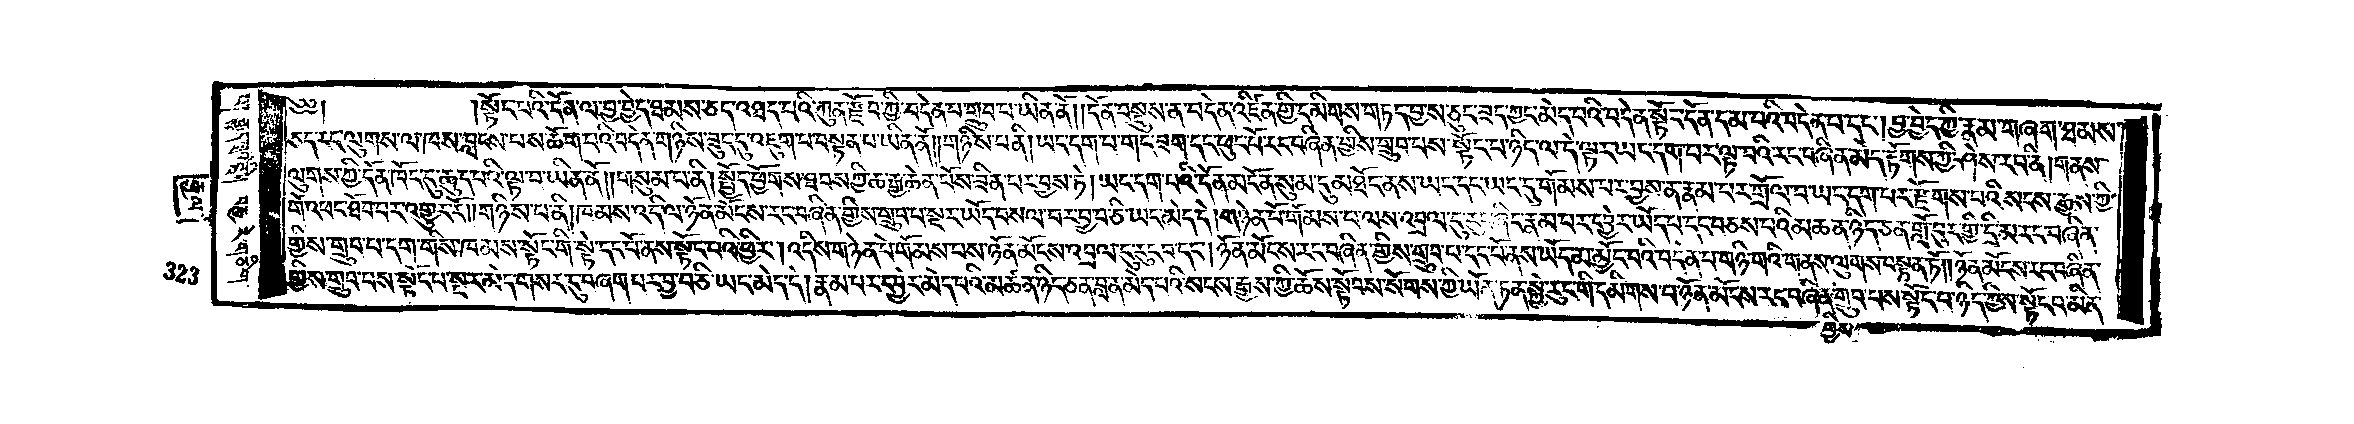༄༅། །སྟོང་པའི་དོན་ལ་བྱ་བྱེད་ཐམས་ཅད་འཐད་པའི་ཀུན་རྫོབ་ཀྱི་བདེན་པ་གྲུབ་པ་ཡིན་ནོ། །དོན་བསྡུས་ན་བདེན་འཛིན་གྱི་དམིགས་གཏད་བྱ་ས་ཅུང་ཟད་ཀྱང་མེད་པའི་བདེན་སྟོང་དོན་དམ་པའི་བདེན་པ་དང་། བྱ་བྱེད་ཀྱི་རྣམ་གཞག་ཐམས་
ཅད་རང་ལུགས་ལ་ཁས་བླངས་པས་ཆོག་པའི་བདེན་གཉིས་ཟུང་དུ་འཇུག་པ་བསྟན་པ་ཡིན་ནོ། །གཉིས་པ་ནི། ཡང་དག་པ་གང་ཟག་དང་ཕུང་པོ་རང་བཞིན་གྱིས་གྲུབ་པས་སྟོང་པ་ཉིད་ལ་དེ་ལྟར་ཡང་དག་པར་ལྟ་བའི་རང་བཞིན་མེད་རྟོགས་ཀྱི་ཤེས་རབ་ནི། གནས་
ལུགས་ཀྱི་དོན་ཁོང་དུ་ཆུད་པའི་ལྟ་བ་ཡིན་ནོ། །གསུམ་པ་ནི། སྤྱོད་ཕྱོགས་ཐབས་ཀྱི་ཆ་རྒྱ་ཆེན་པོས་ཟིན་པར་བྱས་ཏེ། ཡང་དག་པའི་དོན་མངོན་སུམ་དུ་མཐོང་ནས་ཡང་དང་ཡང་དུ་གོམས་པར་བྱས་ན་རྣམ་པར་གྲོལ་བ་ཡང་དག་པར་རྫོགས་པའི་སངས་རྒྱས་ཀྱི་
གོ་འཕང་ཐོབ་པར་འགྱུར་རོ། །གཉིས་པ་ནི། ཁམས་འདི་ལ་ཉོན་མོངས་རང་བཞིན་གྱིས་གྲུབ་པ་སྔར་ཡོད་བསལ་བར་བྱ་བ་ཅི་ཡང་མེད་དེ། གཉེན་པོ་གོམས་པ་ལས་འབྲལ་དུ་རུང་ཞིང་རྣམ་པར་དབྱེར་ཡོད་པ་དང་བཅས་པའི་མཚན་ཉིད་ཅན་གློ་བུར་གྱི་དྲི་མ་རང་བཞིན་
གྱིས་གྲུབ་པ་དག་གིས་ཁམས་སྟོང་གི་སྟེ་དང་པོ་ནས་སྟོང་པའི་ཕྱིར། འདིས་གཉེན་པོ་གོམས་པས་ཉོན་མོངས་འབྲལ་དུ་རུང་བ་དང་། ཉོན་མོངས་རང་བཞིན་གྱིས་གྲུབ་པ་དང་པོ་ནས་ཡོད་མ་མྱོང་བའི་བདེན་པ་གཉི་གའི་གནས་ལུགས་བསྟན་ཏོ། །ཉོན་མོངས་རང་བཞིན་
གྱིས་གྲུབ་པས་སྟོང་པ་སྔར་མེད་གསར་དུ་བཞག་པར་བྱ་བ་ཅི་ཡང་མེད་དེ། རྣམ་པར་དབྱེར་མེད་པའི་མཚན་ཉིད་ཅན་བླ་ན་མེད་པའི་སངས་རྒྱས་ཀྱི་ཆོས་སྟོབས་སོགས་ཀྱི་ཡོན་ཏན་སྐྱེ་རུང་གི་དམིགས་པ་ཉོན་མོངས་རང་བཞིན་གྲུབ་པས་སྟོང་པ་ཉིད་ཀྱིས་སྟོང་པ་མིན་